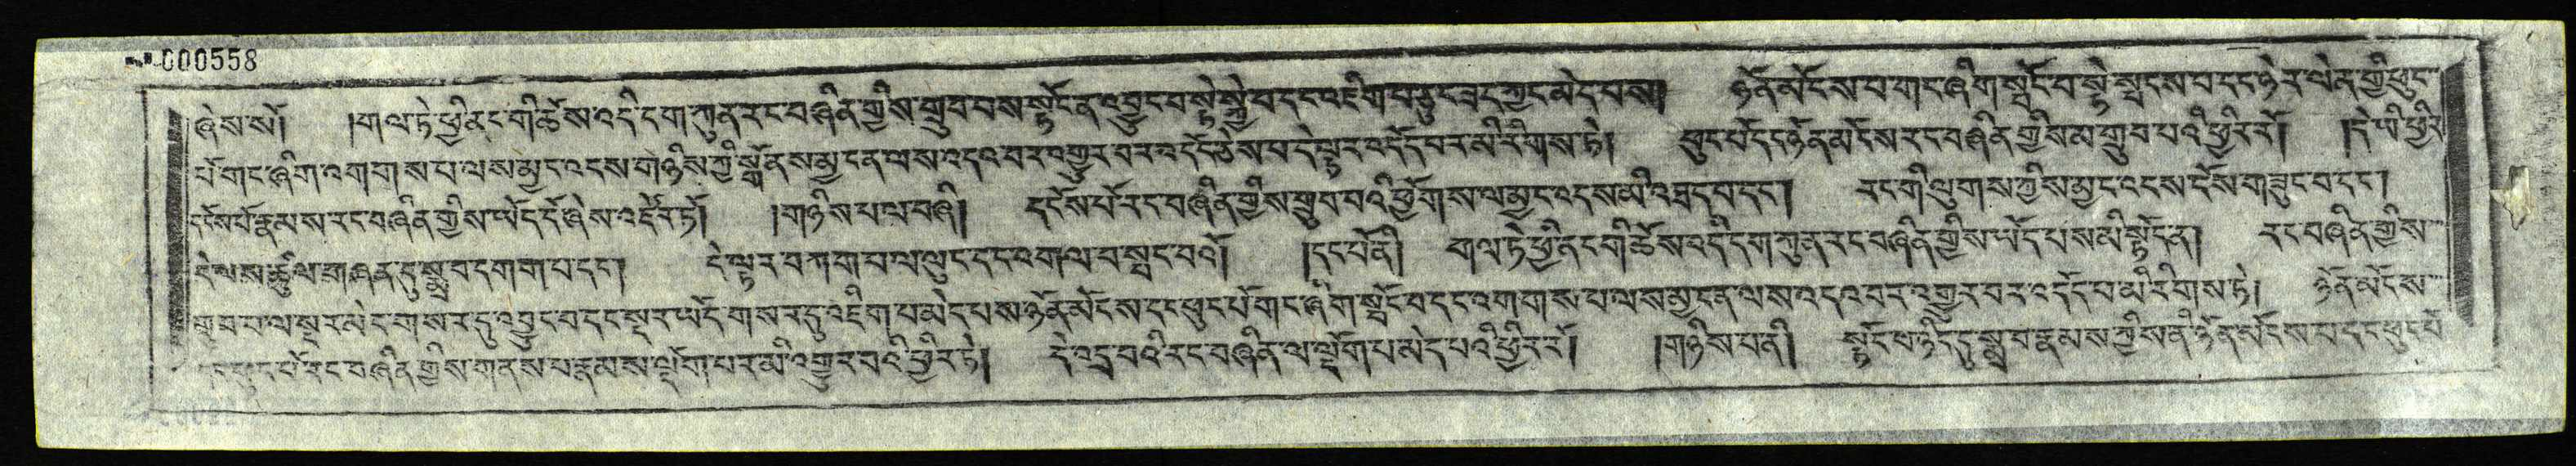ཞེས་སོ། །གལ་ཏེ་ཕྱི་ནང་གི་ཆོས་འདི་དག་ཀུན་རང་བཞིན་གྱིས་གྲུབ་པས་སྟོང་ན་འབྱུང་བ་སྟེ་སྐྱེ་བ་དང་འཇིག་པ་ཅུང་ཟད་ཀྱང་མེད་པས། ཉོན་མོངས་པ་གང་ཞིག་སྤོང་པ་སྟེ་སྤངས་པ་དང་ཉེར་ལེན་གྱི་ཕུང་
པོ་གང་ཞིག་འགགས་པ་ལས་མྱང་འདས་གཉིས་ཀྱི་སྒོ་ནས་མྱ་ངན་ལས་འདའ་བར་འགྱུར་བར་འདོད་ཅེས་པ་དེ་ལྟར་འདོད་པར་མི་རིགས་ཏེ། ཕུང་པོ་དང་ཉོན་མོངས་རང་བཞིན་གྱིས་མ་གྲུབ་པའི་ཕྱིར་རོ། །དེ་ཡི་ཕྱིར་
དངོས་པོ་རྣམས་རང་བཞིན་གྱིས་ཡོད་དོ་ཞེས་འཛེར་ཏོ། །གཉིས་པ་ལ་བཞི། དངོས་པོ་རང་བཞིན་གྱིས་གྲུབ་པའི་ཕྱོགས་ལ་མྱང་འདས་མི་འཐད་པ་དང་། རང་གི་ལུགས་ཀྱིས་མྱང་འདས་ངོས་གཟུང་བ་དང་།
དེ་ལས་ཚུལ་གཞན་དུ་སྨྲ་བ་དགག་པ་དང་། དེ་ལྟར་བཀག་པ་ལ་ལུང་དང་འགལ་བ་སྤང་བའོ། །དང་པོ་ནི། གལ་ཏེ་ཕྱི་ནང་གི་ཆོས་འདི་དག་ཀུན་རང་བཞིན་གྱིས་ཡོད་པས་མི་སྟོང་ན། རང་བཞིན་གྱིས་
གྲུབ་པ་ལ་སྔར་མེད་གསར་དུ་འབྱུང་བ་དང་སྔར་ཡོད་གསར་དུ་འཇིག་པ་མེད་པས་ཉོན་མོངས་དང་ཕུང་པོ་གང་ཞིག་སྤོང་བ་དང་འགགས་པ་ལས་མྱ་ངན་ལས་འདའ་བར་འགྱུར་བར་འདོད་པ་མི་རིགས་ཏེ། ཉོན་མོངས་
དང་ཕུང་པོ་རང་བཞིན་གྱིས་གནས་པ་རྣམས་ལྡོག་པར་མི་འགྱུར་བའི་ཕྱིར་ཏེ། དེ་འདྲ་བའི་རང་བཞིན་ལ་ལྡོག་པ་མེད་པའི་ཕྱིར་རོ། །གཉིས་པ་ནི། སྟོང་པ་ཉིད་དུ་སྨྲ་བ་རྣམས་ཀྱིས་ནི་ཉོན་མོངས་པ་དང་ཕུང་པོ་